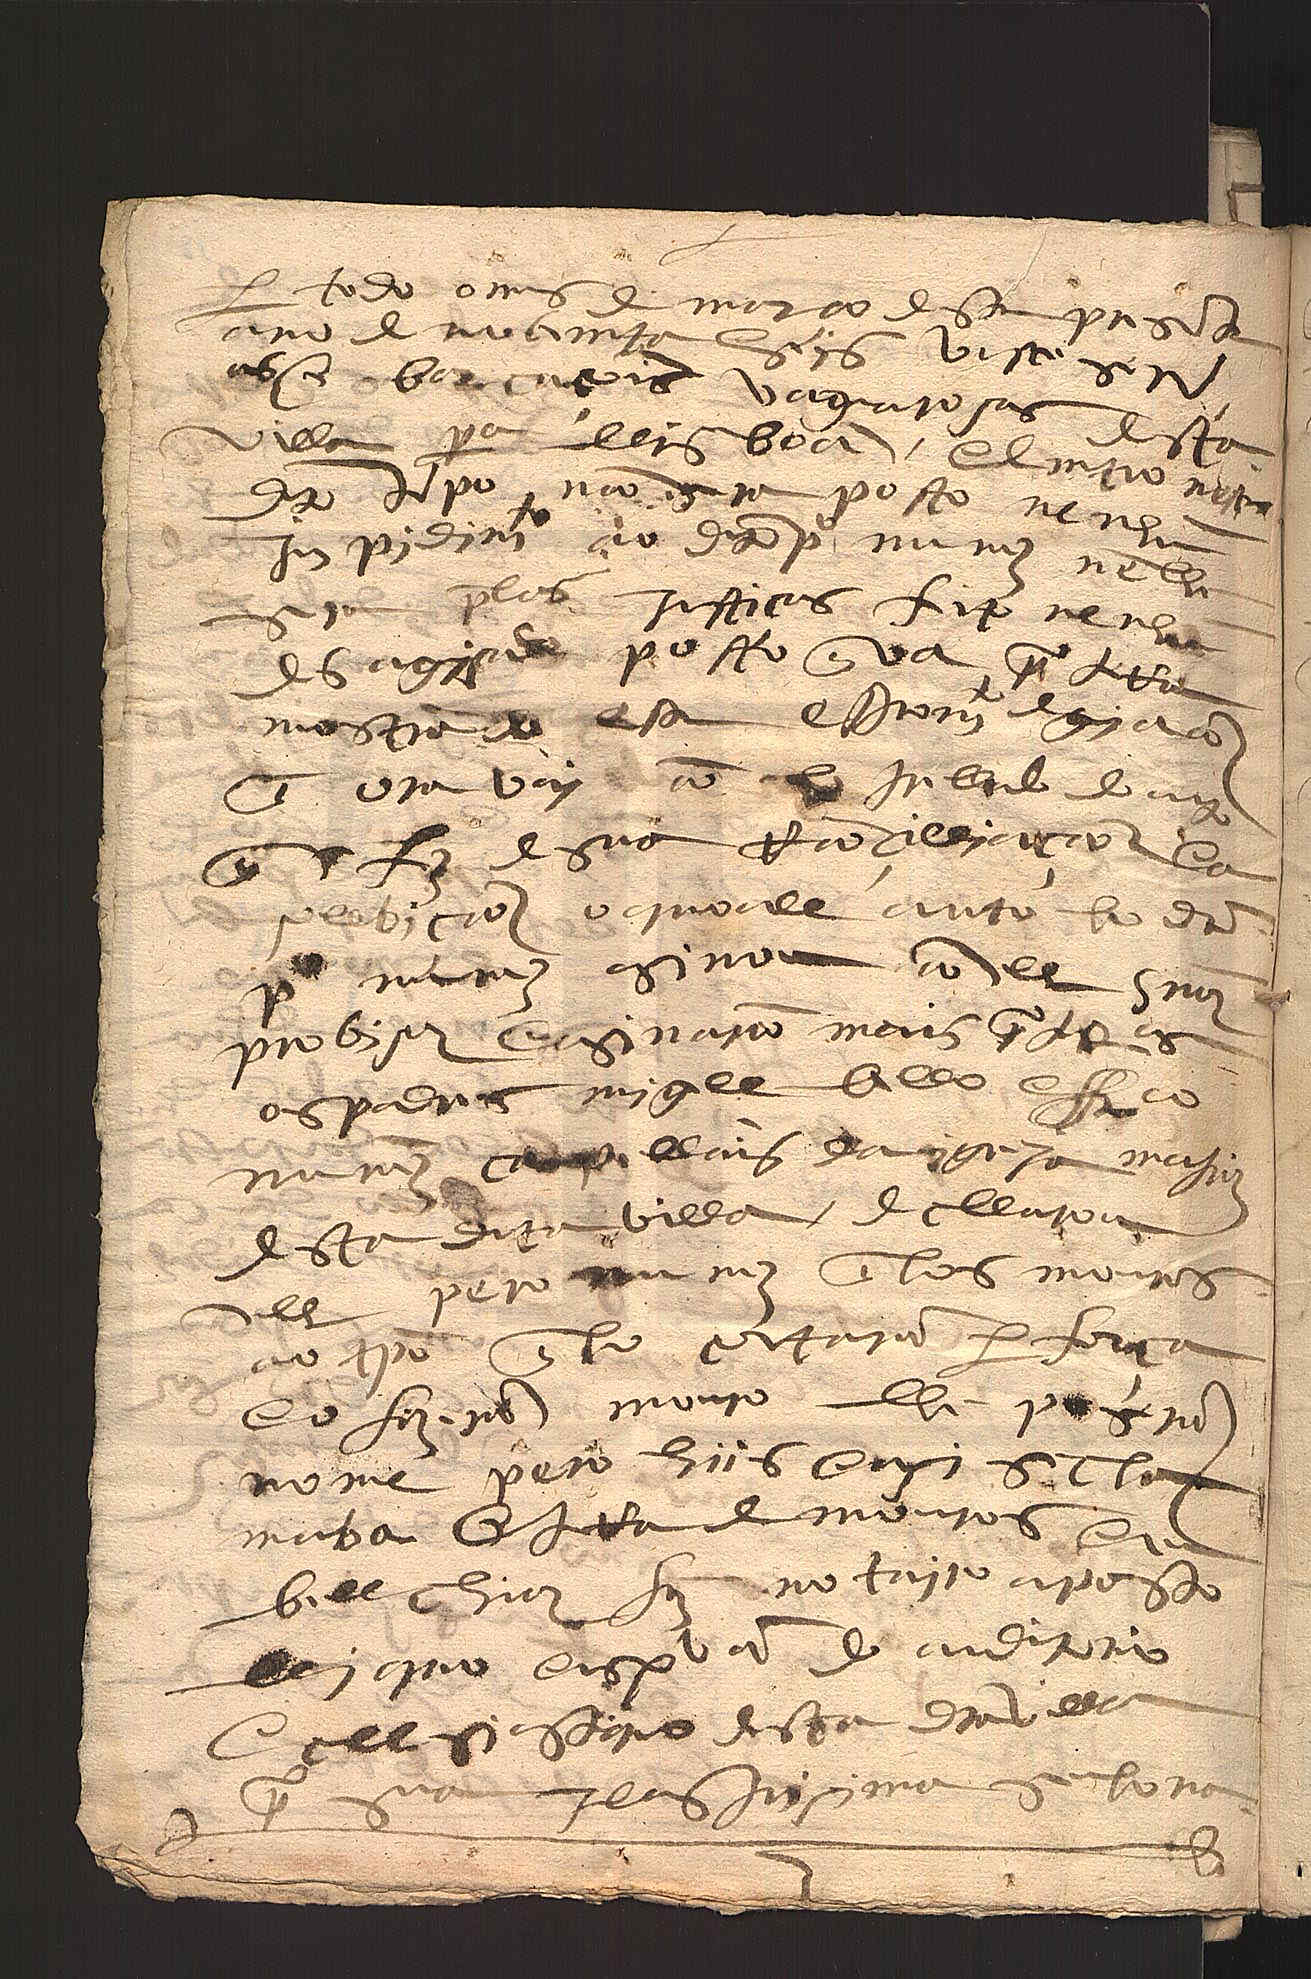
ꝑ todo o mes de março deste presēte
ano de novemta e seis visto serē
as ēbarcaçoĩs vaguarosas desta
villa ꝑa llisboa / e demtro neste
dito tēpo não sera posto nenhū
Jmpidimto ao dit̄o po nunez nē lhe
sera p̄las Justiças feito nenhū
desagujsado posto q̄ va p̄o teRa
mostrādo este estromto de guja cō
q̄ ora vaj c̄o ho trellado do auto
q̄ se fez de sua Rec̄ocilliaçaõ e a
sollviçaõ o quoall auto ho dtō
po nunez asinou c̄o elle Snor̄
provisor e asinarō mais p̄o testas
os padres migell bello e ffrco
nunēz capellaĩs da igreJa matriz
desta dita villa / decllarou
elle pero nunez q̄ hos mouros
ao tp̄o q̄ ho cortarão ꝑ força
e o fizeraõ mouro lhe poseraõ
nome pero hiis e asi se cha
mava ē teRa de mouros e eu
bellchior frz̄ notajro aposto
lljquo e espvaõ do auditorio
ecllesiastiquo desta dtā villa
p̄o sua Jlustrisima senhoria
